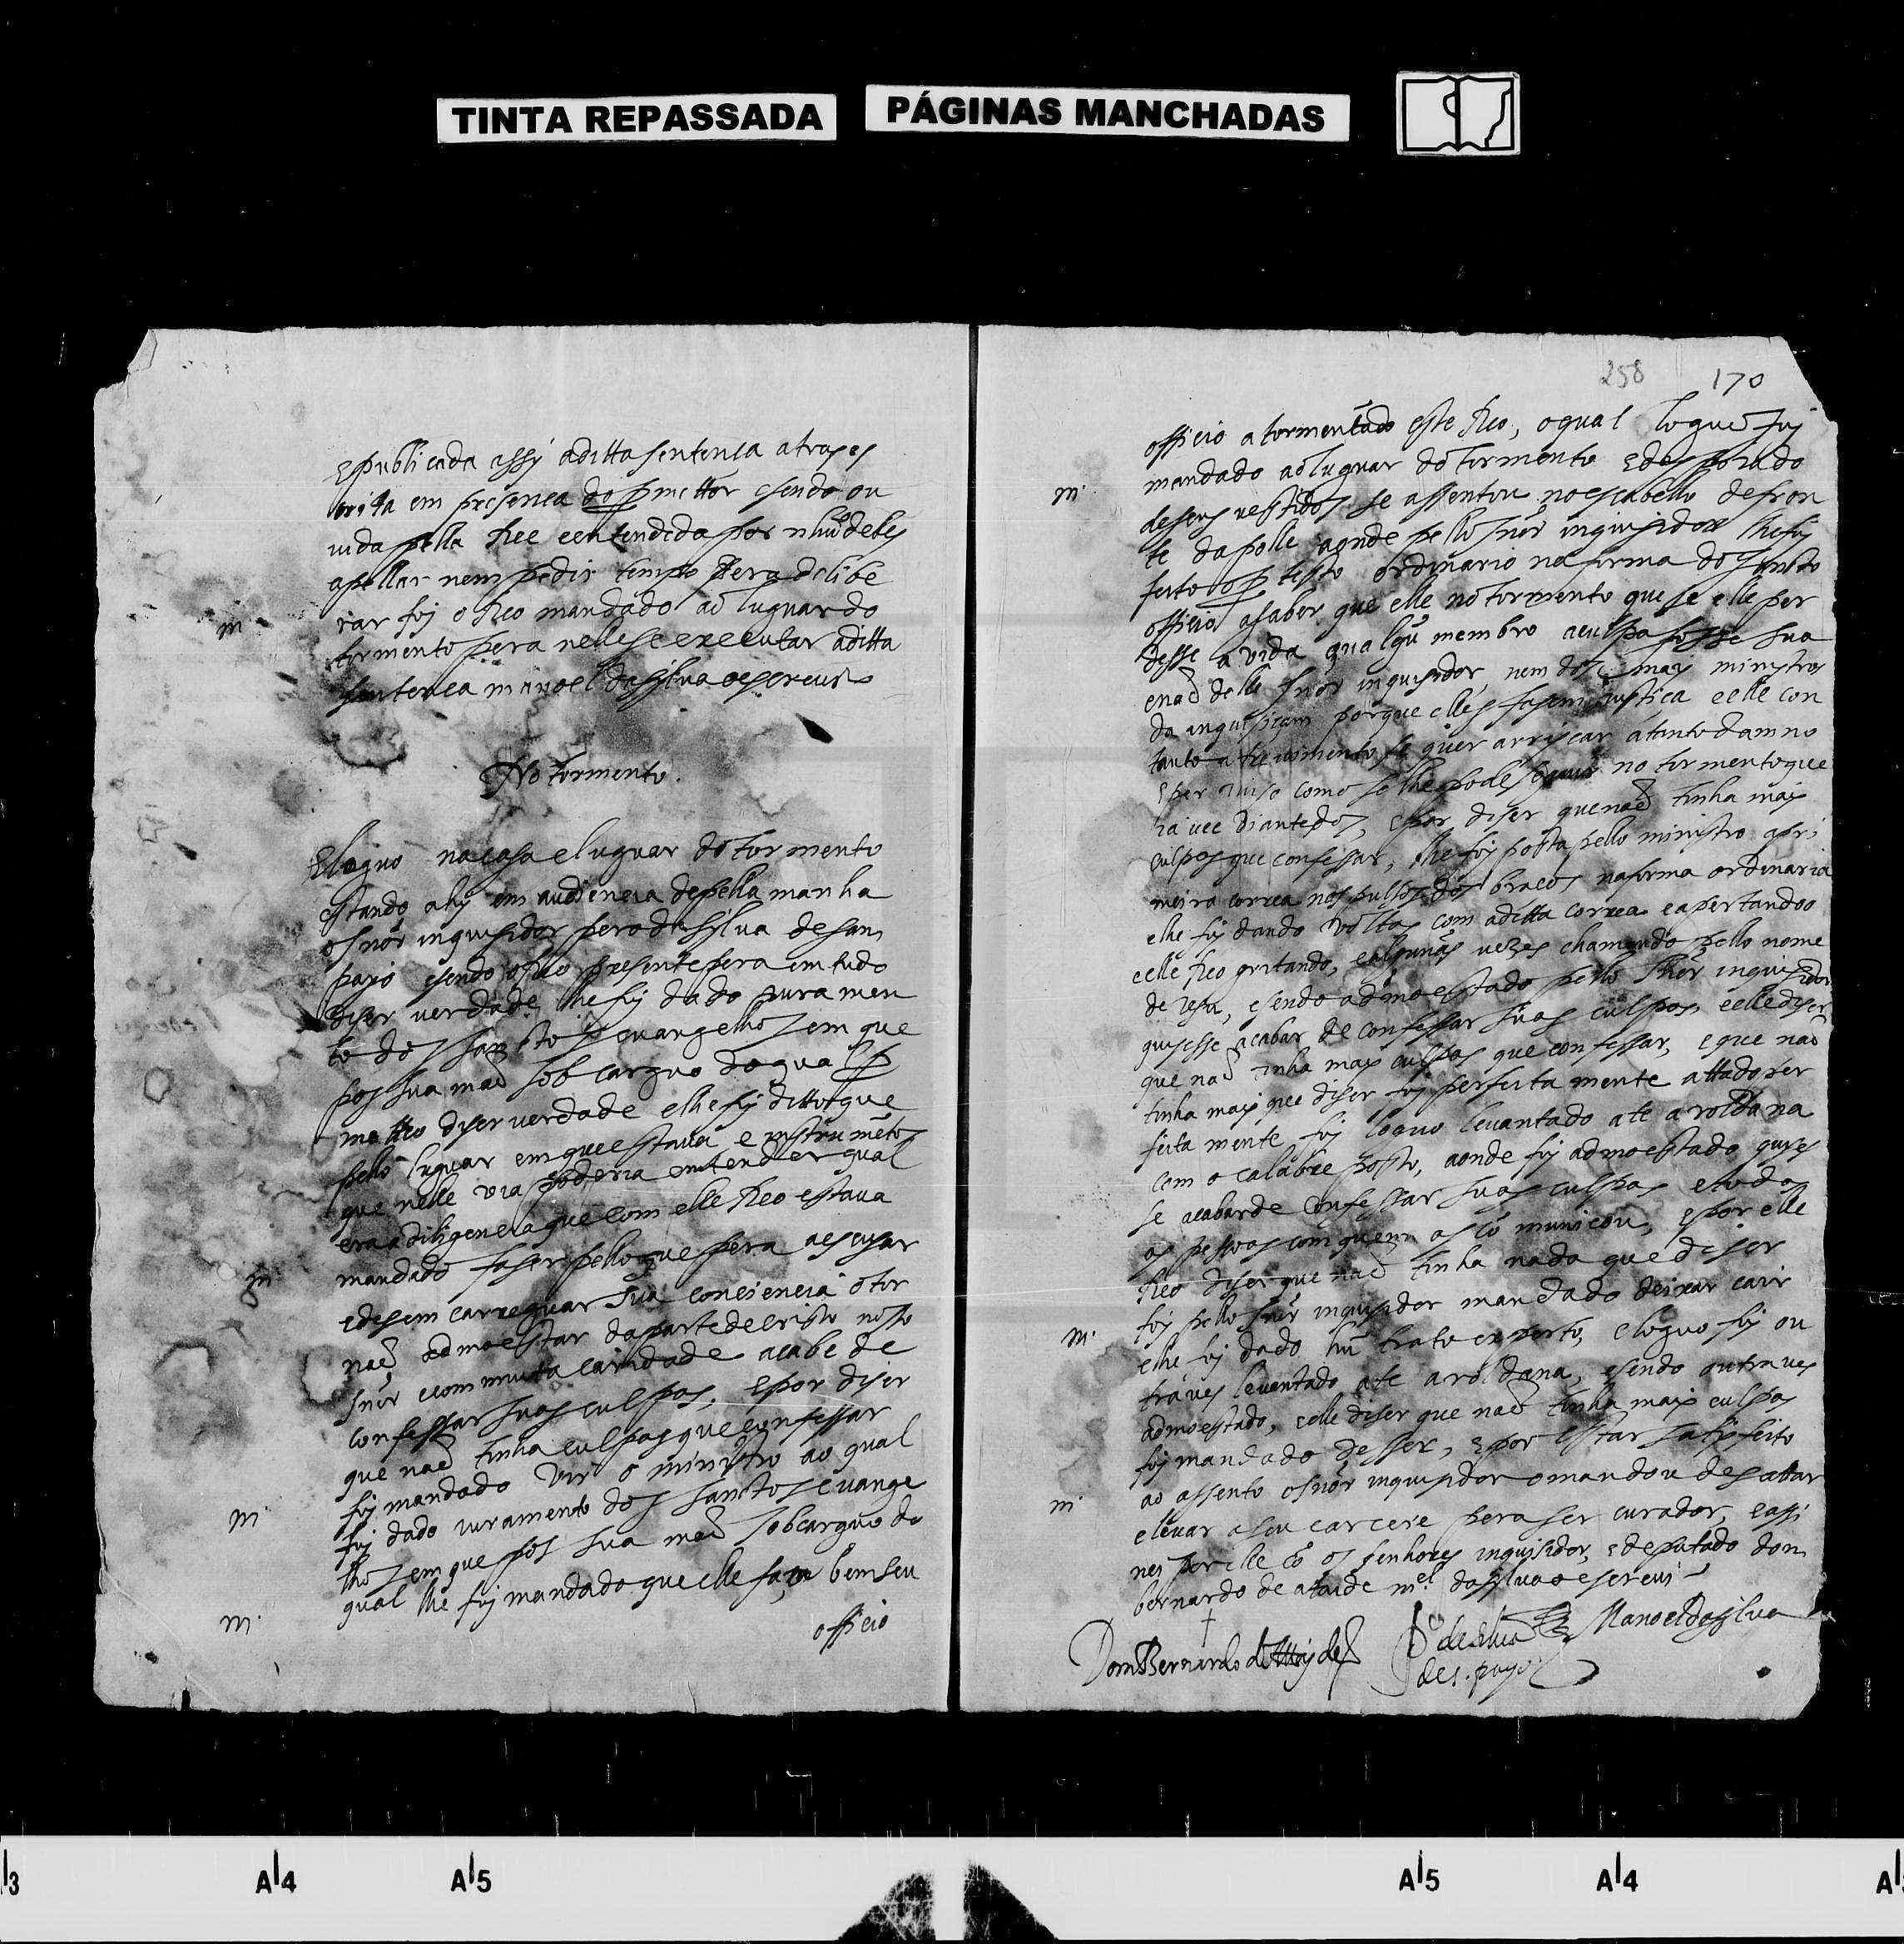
E publicada assy a ditta sentença atras es
crita em presença do ꝓmottor e sendo ou
uida pella Ree e entendida por nhū deles
apellar nem pedir tempo pera delibe
rar foj o Reo mandado ao luguar do
tormento pera nelle se executar a ditta
sentença manoel da sylua o escreui
No tormento.
E loguo na casa e luguar do tormento
estando ahy em audiencia de pella manha
o snor̄ inquisidor pero da sylua de sam
payo e sendo o Reo presente pera em tudo
diser uerdade lhe foj dado juramen
to dos sanctos euangelhos em que
pos sua mão sob carguo do qual ꝓ
metteo diser uerdade e lhe foj ditto que
pello luguar em que estaua, e instrumētos
que nelle via poderia emtender qual
era a diligencia que com elle Reo estaua
mandado faser pello que pera a escusar
E desemcarreguar sua conciencia o tor
naõ admoestar da parte de cristo nosso
snōr com muita caridade acabe de
confessar suas culpas, e por diser
que naõ tinha culpas que confessar
foj mandado vir o ministro ao qual
foj dado iuramento dos sanctos euange
lhos em que pos sua maõ sob carguo do
qual lhe foj mandado que elle faça bem seu
officio
170
officio atormentado este Reo, o qual loguo foy
mandado ao luguar do tormento E despoiado
de seus uestidos se assentou no escabello defron
te da polle aonde pello snōr inquisidor lhe foy
feito o ꝓtesto ordinario na forma do sancto
officio a saber que elle no tormento que se elle per
desse a vida ou algū membro a culpa fosse sua
e naõ delle snor inquisidor nem dos mais ministros
da inquisiçam porque elles fasem iustiça e elle con
tanto atreuimento se quer arriscar a tanto damno
E per iuiso como se lhe pode seguir no tormento que
ia uee diante dos, E por diser que naõ tinha mais
culpas que confessar, lhe foy posta pello ministro a pri
meira correa nos pulsos dos braços na forma ordinaria
e lhe foy dando voltas com a ditta correa e apertandoo
e elle Reo gritando, e alguuās uezes chamando pello nome
de iesu, e sendo admoestado pello snor̄ inquisidor
quisesse acabar de confessar suas culpas, e elle diser
que naõ tinha mais culpas que confessar, e que naõ
tinha mais que dizer foj perfeitamente attado per
feitamente foj loguo leuantado ate a roldana
com o calabre posto, aonde foj admoestado quises
se acabar de confessar suas culpas e todas
as pessoas com quem as cōmunicou, e por elle
Reo diser que naõ tinha nada que diser
foy pello snor̄ inquisidor mandado deixar cair
e lhe foj dado hū trato experto, e loguo foy ou
tra ues leuantado ate a roldana, sendo outra ues
admoestado, E elle diser que naõ tinha mais culpas
foj mandado desser, E por estar satisfeito
ao assento o snōr inquisidor o mandou desattar
e leuar a seu carcere pera ser curador, E assi
nei por elle cō os senhores inquisidor, E deputado don
bernardo de ataide me.l da sjlua o escreui -
Dom Bernardo de Attajde
Po de silua
de s. payo
Manoel da sjlua
